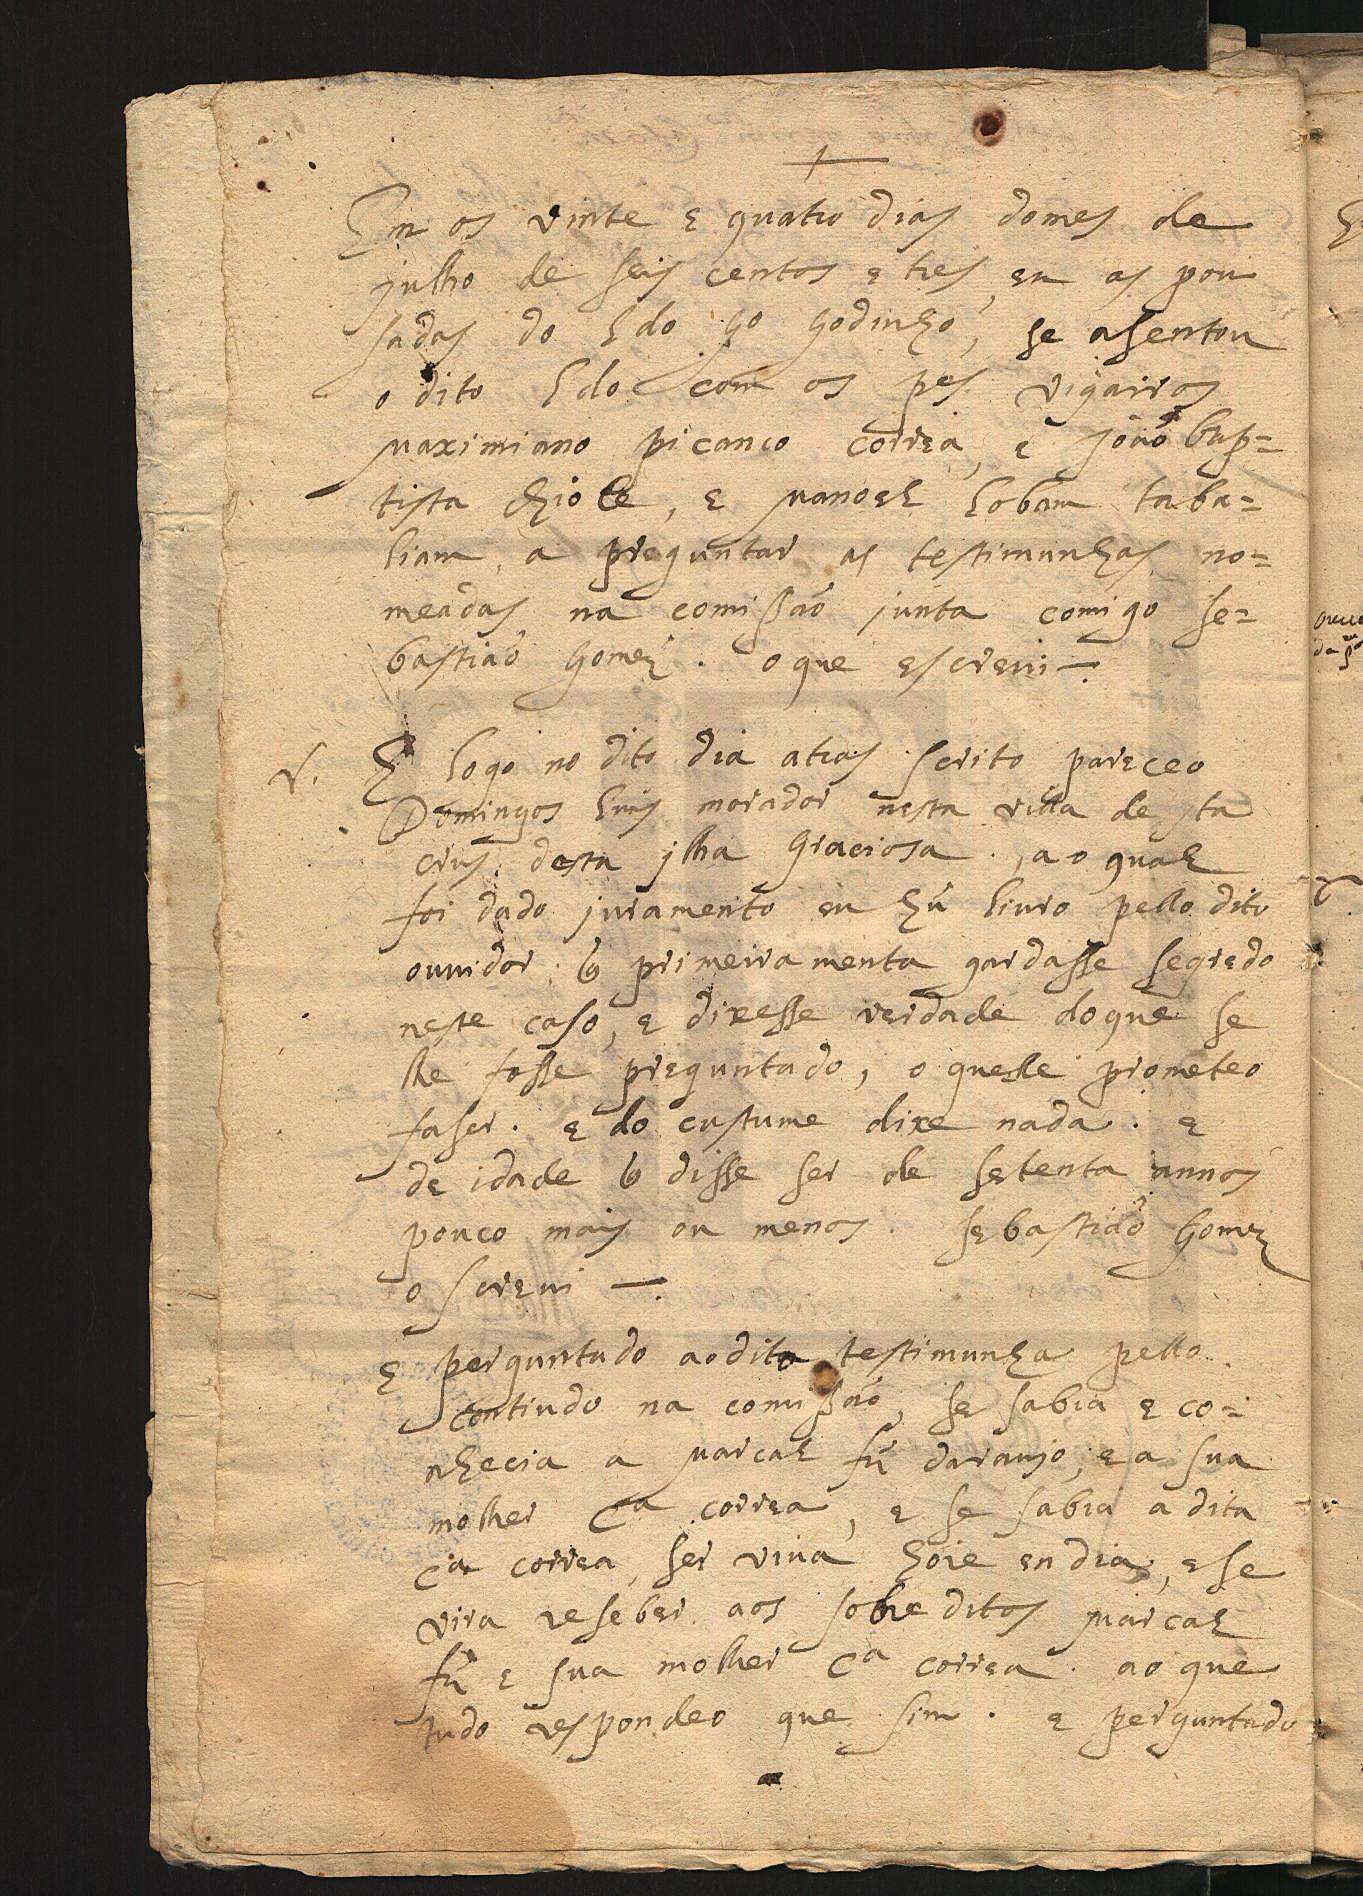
Em os vinte E quatro dias do mes de
julho de seiscentos E tres, Em as pou
sadas do ldo Go Godinho, se asentou
o dito ldo com os pes vigairos
Maximiano picanço correa, e Joaõ bap
tista chiole, E Manoel lobam taba
liam, a preguntar as testimunhas no
meadas na comissaõ junta comigo se
bastiaõ Gomez̄. o que Escreui -
E logo no dito dia atras scrito pareceo
Domingos luis morador nesta villa de sta
crus desta jlha Graciosa, ao qual
foi dado juramento em hū liuro pello dito
ouuidor q̄ primeiramenta gardasse segredo
neste caso, E dixesse verdade do que se
lhe fosse preguntado, o que lle prometeo
faser. E do custume dixe nada. E
de idade q̄ disse ser de setenta annos
pouco mais ou menos. Sebastiaõ Gomez
o screui -
E perguntado ao dito testimunha pello
contiudo na comissaõ, se sabia E co
nhecia a Marçal frz̄ daraujo, E a sua
molher Ca correa, E se sabia a dita
Ca correa, ser viua hoie Em dia, E se
vira reseber aos sobreditos Marçal
frz̄ E sua molher Ca correa ao que
tudo respondeo que sim. E perguntado
